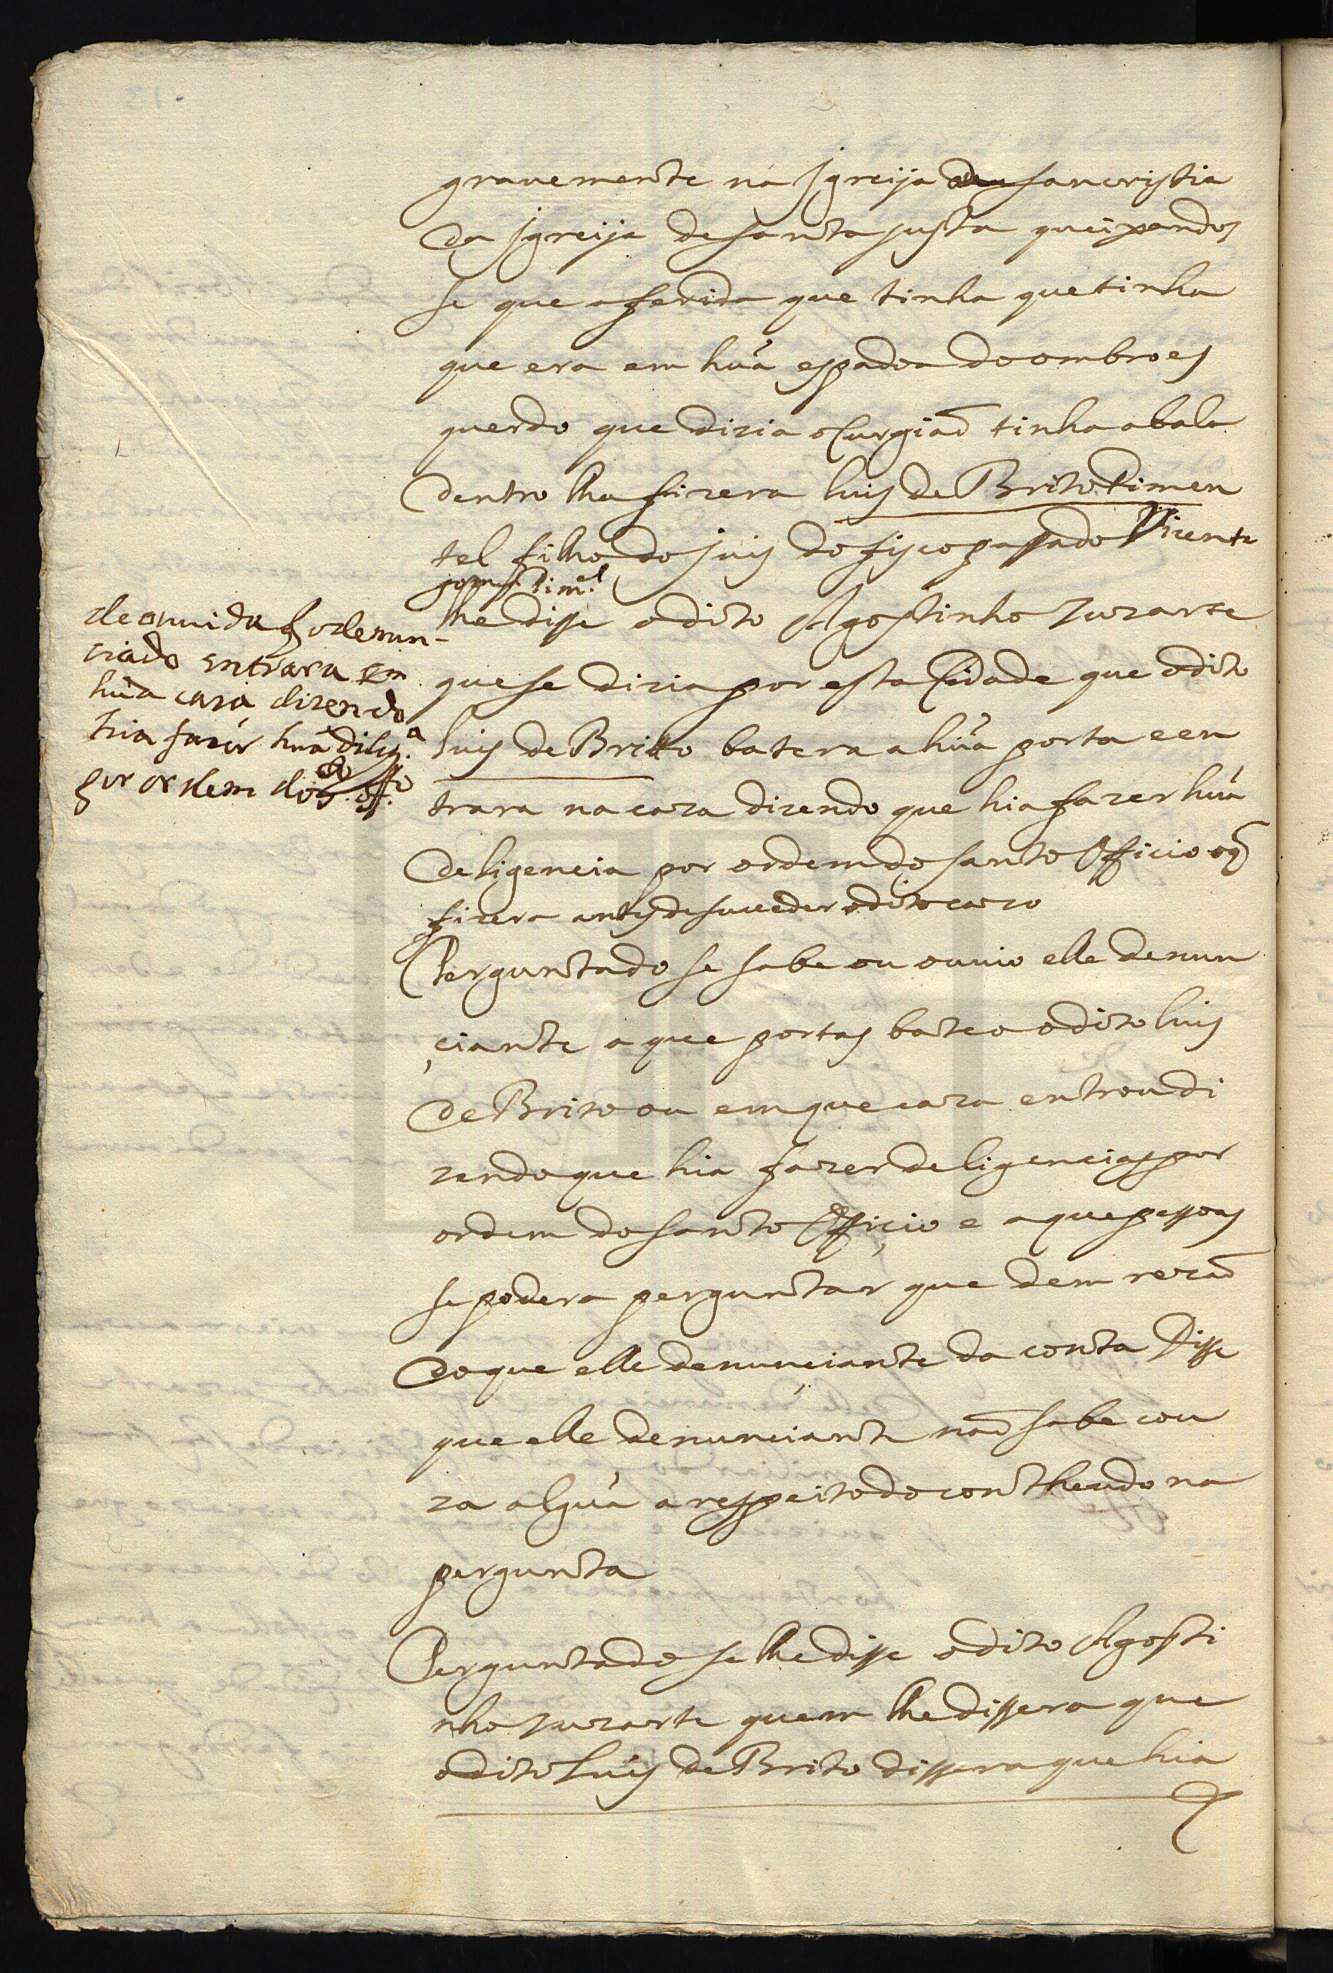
grauemente na Jgreija ou sancristia
da Jgreija de santa justa queixandos
se que a ferida que tinha que tinha
que era em huā espadoa do ombro es
querdo que dizia o Curgiaõ tinha a bala
dentro lha fizera luis de Brito Pimen
tel filho do Juis do fisco passado Vicente
gomes Pim.el
lhe disse o dito Agostinho Zuzarte
que se dizia por esta Cidade que o dito
Luis de Britto batera a huā porta e en
trara na caza dizendo que hia fazer huā
deligencia por ordem do Santo Officio o q̄
fizera antes de succeder o dito cazo
Perguntado se sabe ou ouuio elle denun
ciante a que portas bateo o dito luis
de Brito ou em que caza entrou di
zendo que hia fazer deligencias por
ordem do santo Officio e a que pessoas
se podera perguntar que dem rezaõ
do que elle denunciante da conta Disse
que elle denunciante naõ sabe cou
za alguā a respeito do contheudo na
pergunta
Perguntado se lhe disse o dito Agosti
nho Zuzarte quem lhe dissera que
o dito Luis de Brito dissera que hia
de ouuida q̄ o denun
ciado Entrara em
hūa caza, dizendo
hia fazer huā dilig.a
por ordem do s.to off.o
